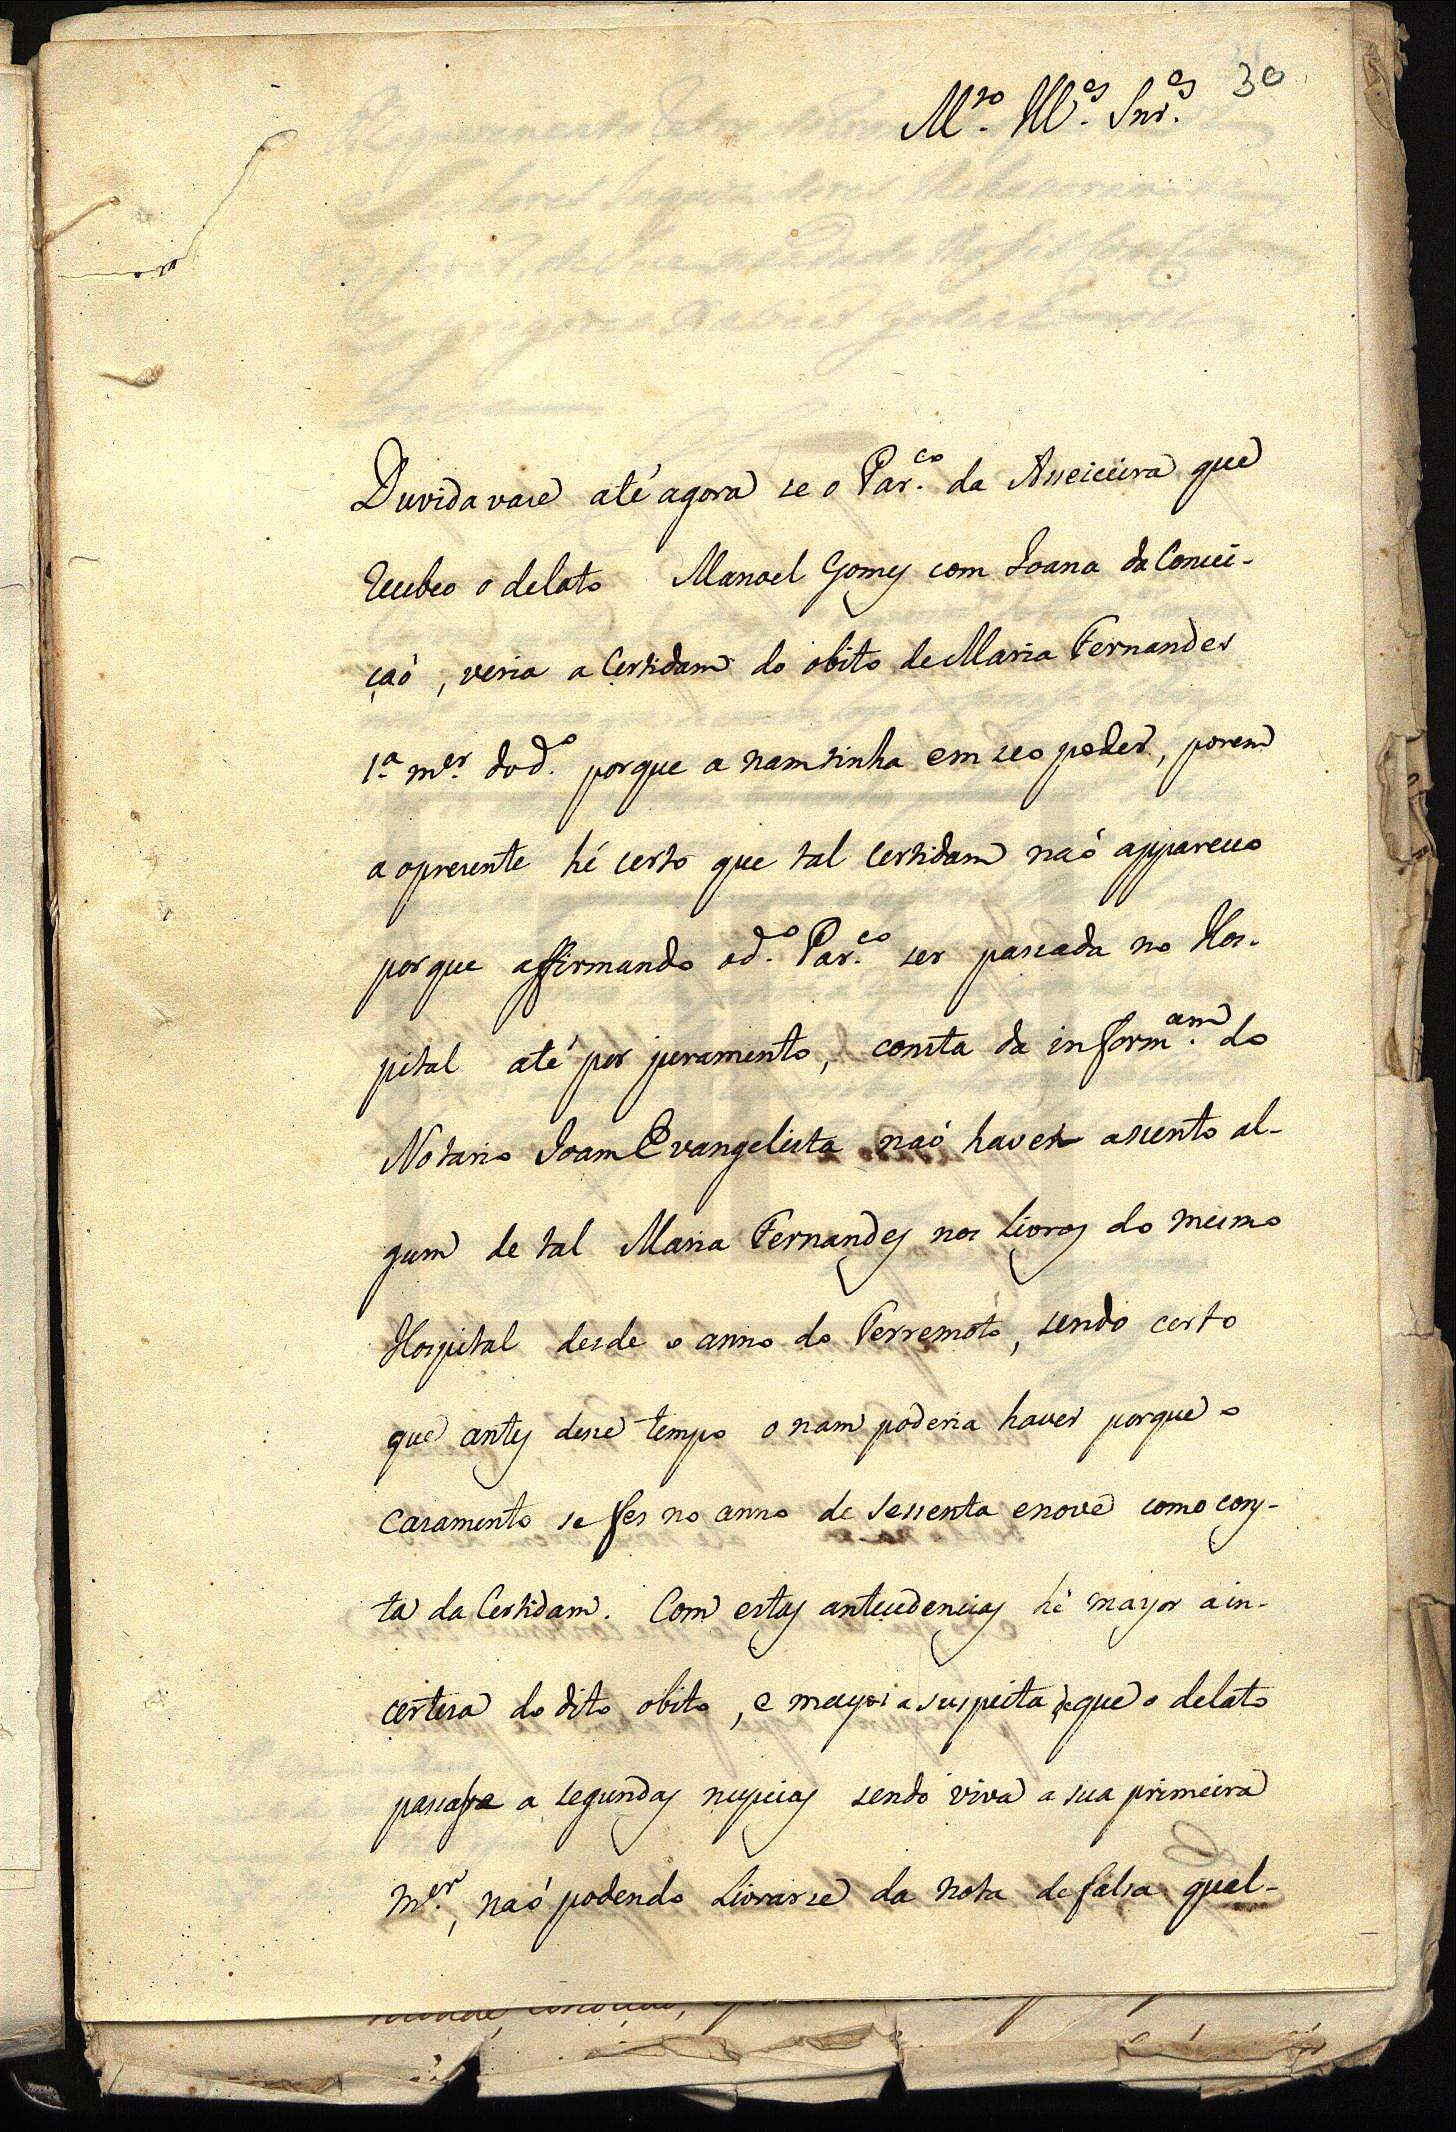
M.to Ill.es Snr.es
Duvida vaie até agora se o Par.co da Asseiceira que
Recebeo o delato Manoel Gomes com Ioana da Concei
çaõ, veria a Certidam do obito de Maria Fernandes
1.a m.er do d.o porque a nam tinha em seo poder, porem
ao prezente hé certo que tal certidam naõ appareceo
porque affirmando o d.o Par.co ser passada no Hos
pital até por juramento, consta da inform.am do
Notario Ioam Evangelista naõ haver assento al
gum de tal Maria Fernandes nos Livros do mesmo
Hospital desde o anno do Terremoto, sendo certo
que antes desse tempo o nam poderia haver porque o
cazamento se fes no anno de sessenta e nove como cons
ta da Certidam. Com estas antecedencias hé mayor a in
certeza do dito obito, e mayor a suspeita de que o delato
passasse a segundas nupcias sendo viva a sua primeira
m.er, naõ podendo Livrarse da nota de falsa qual
